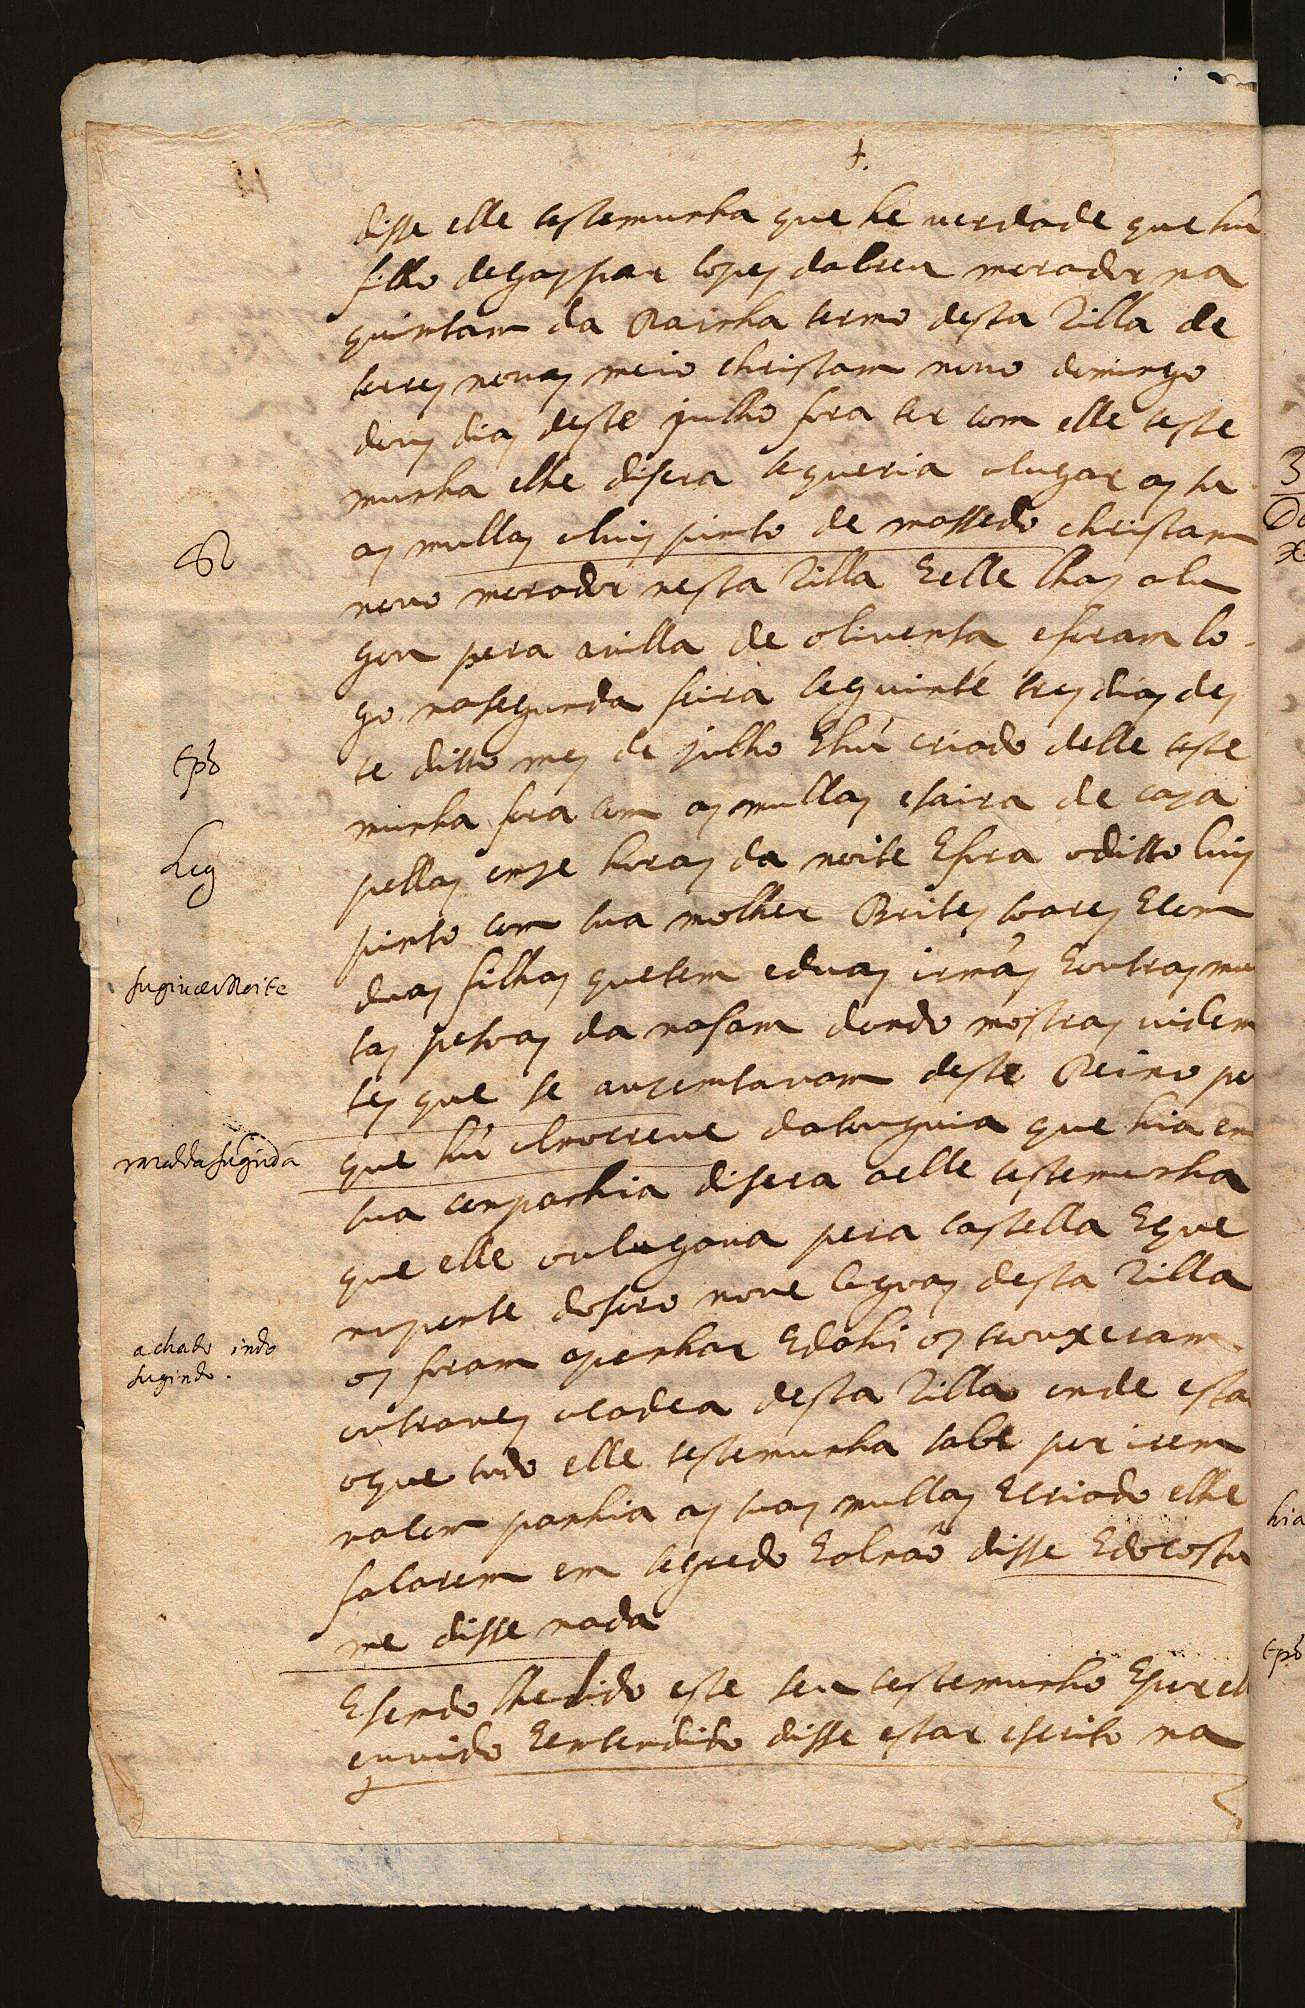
R
tpō
Lug
fugiu de noite
razaõ da fugida
achado indo
fugindo.
disse elle testemunha que he uerdade que hū
filho de gaspar lopes dabreu morador na
quintam da Rainha termo desta Villa de
torres nouas meio christam nouo domingo
dous dias deste julho fora ter com elle teste
munha e lhe disera se queria alugar as su
as mullas e luis pinho de massedo christam
nouo morador nesta villa E elle lhas alu
gou pera a villa de oliuensa e foram lo
go na segunda feira seguinte tres dias des
te ditto mes de julho E hū criado delle teste
munha fora com as mullas e saira de caza
pellas onze horas da noite E fora o ditto luis
pinho com sua molher Brites soares E com
duas filhas que tem e duas irmãs E outras mu
tas pesoas da nasam dando mostras uidem
tes que se auzemtauam deste Reino po
que hū almocreue datouguia que hia em
sua companhia disera a elle testemunha
que elle o alugaua pera castella E que
na ponte do soro noue legoas desta villa
os foram apanhar E dahi os trouxeram
outra ues a cadea desta villa onde esta
o que tudo elle testemunha sabe por irem
na companhia as suas mullas E criado e lhe
falarem em segredo E al naõ disse E do costu
me disse nada
E semdo lhe lido este seu testemunho E por el
ouuido E emtemdido disse estar escrito na
